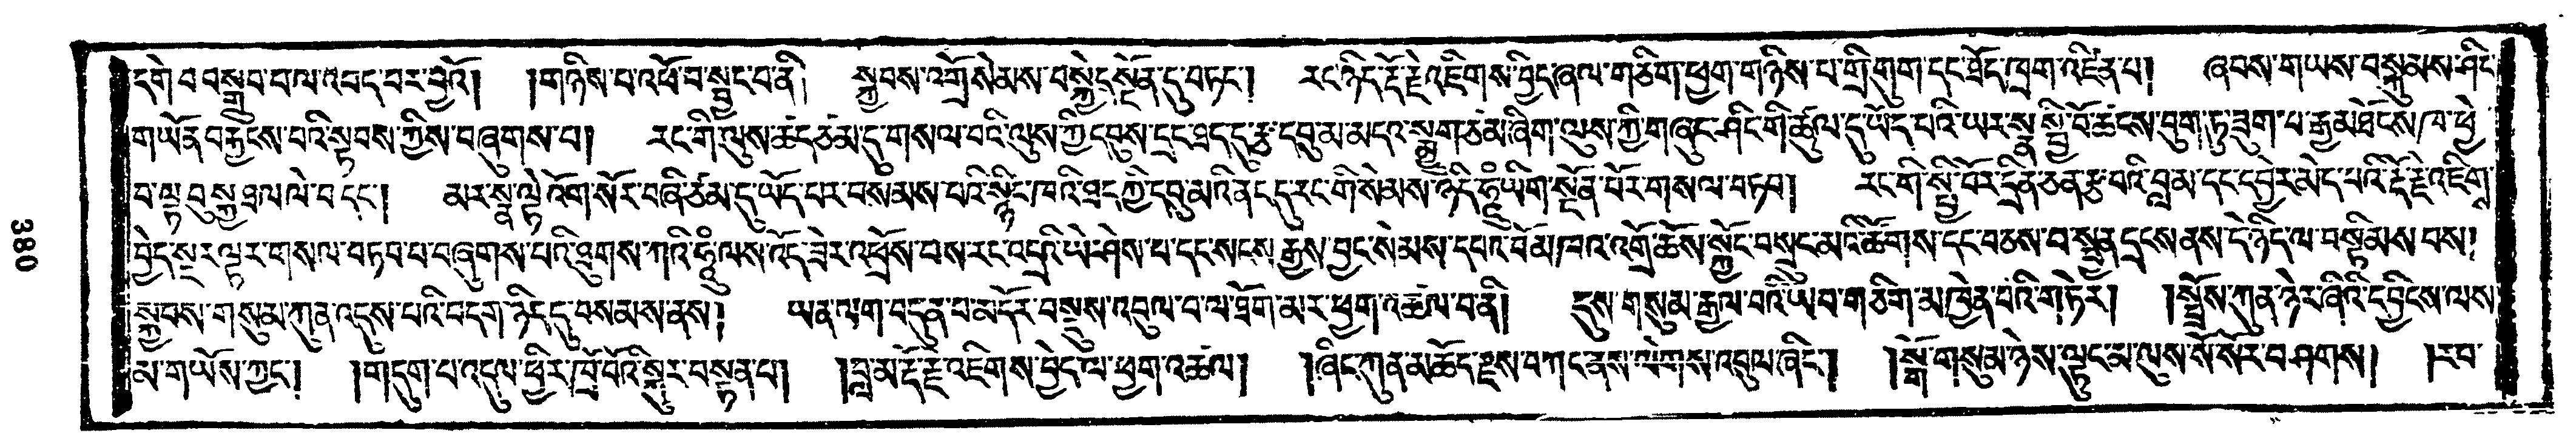དགེ་བ་བསྒྲུབ་པ་ལ་འབད་པར་བྱའོ། །གཉིས་པ་འཕོ་བ་སྦྱང་བ་ནི། སྐྱབས་འགྲོ་སེམས་བསྐྱེད་སྔོན་དུ་བཏང་། རང་ཉིད་རྡོ་རྗེ་འཇིགས་བྱིང་ཞལ་གཅིག་ཕྱག་གཉིས་པ་གྲི་གུག་དང་ཐོད་ཁྲག་འཛིན་པ། ཞབས་གཡས་བསྐུམས་ཤིང་
གཡོན་བརྐྱངས་པའི་སྟབས་ཀྱིས་བཞུགས་པ། རང་གི་ལུས་ཚད་ཙམ་དུ་གསལ་པའི་ལུས་ཀྱི་དབུས་དྲང་ཐད་དུ་རྩ་དབུ་མངའ་སྨྱུག་ཙམ་ཞིག་ལུས་ཀྱི་གཞུང་ཤིང་གི་ཚུལ་དུ་ཡོད་པའི་ཡར་སྣ་སྤྱི་བོ་ཚངས་བུག་ཏུ་ཟུག་པ་རྒྱ་མཐོངས་ཁ་ཕྱེ་
བ་ལྟ་བུ་སྐྱ་ཐལ་ལེ་བ་དང་། མར་སྣ་ལྟེ་འོག་སོར་བཞི་ཙམ་དུ་ཡོད་པར་བསམས་པའི་སྙིང་ཁའི་ཐད་ཀྱི་དབུ་མའི་ནང་དུར་དང་གི་སེམས་ཉིད་ཧཱུཾ་ཡིག་སྔོན་པོར་གསལ་བཏབ། རང་གི་སྤྱི་བོར་དྲིན་ཅན་རྩ་བའི་བླ་མ་དང་དབྱེར་མེད་པའི་རྡོ་རྗེ་འཇིགས་
བྱེད་སྔར་ལྟར་གསལ་བཏབ་པ་བཞུགས་པའི་ཐུགས་ཀའི་ཧཱུཾ་ལས་འོད་ཟེར་འཕྲོས་པས་རང་འདྲའི་ཡེ་ཤེས་པ་དང་སངས་རྒྱས་བྱང་སེམས་དཔའ་མོ་མཁའ་འགྲོ་ཆོས་སྐྱོང་བསྲུང་མའི་ཚོགས་དང་བཅས་པ་སྤྱན་དྲངས་ནས་དེ་ཉིད་ལ་བསྟིམས་པས།
སྐྱབས་གསུམ་ཀུན་འདུད་པའི་བདག་ཉིད་དུ་བསམས་ནས། ཡན་ལག་བདུན་པ་མདོར་བསྡུས་འབུལ་བ་ལ་ཐོག་མར་ཕྱག་འྟལ་ནི་ནི། དུས་གསུམ་རྒྱལ་པའི་ཡབ་གཅིག་མཁྱེན་པའི་གཏེར། །སྦྲོས་ཀུན་ཉེར་ཞིའི་དབྱིངས་ལས་
མ་གཡོས་ཀྱང་། །གདུག་པ་འདུལ་ཕྱིར་ཁྲོ་བོའི་སྐུར་བསྟན་པ། །བླ་མ་རྡོ་རྗེ་འཇིགས་བྱེད་ལ་ཕྱག་འཚལ། །ཞིང་ཀུན་མཆོད་རྫད་བཀང་ནས་ལེགས་འབུལ་ཞིང་། །སྒོ་གསུམ་ཉེས་ལྟུང་མ་ལུས་སོ་སོར་བཤགས། །རབ་